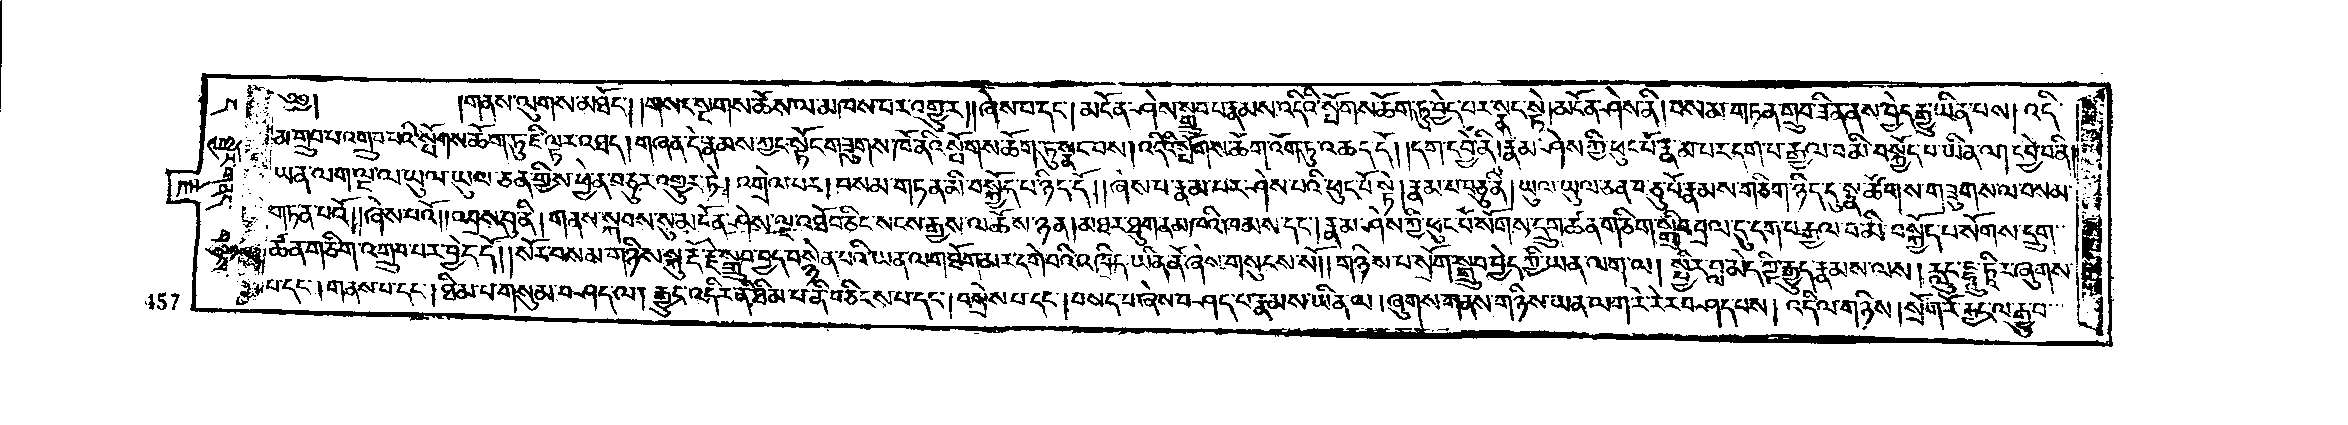༄༅། །གནས་ལུགས་མཐོང་། །གསང་སྔགས་ཆོས་ལ་མཁས་པར་འགྱུར། །ཞེས་པ་དང་། མངོན་ཤེས་སྒྲུབ་པ་རྣམས་འདིའི་སྤོགས་ཆོག་ཏུ་བྱེད་པར་སྣང་སྟེ། མངོན་ཤེས་ནི། བསམ་གཏན་གྲུབ་ཟིན་ནས་བྱེད་རྒྱུ་ཡིན་པས། འདི་
མ་གྲུབ་པ་འགྲུབ་པའི་སྤོགས་ཆོག་ཏུ་ཇི་ལྟར་འཐད། གཞན་དེ་རྣམས་ཀྱང་སྟོང་གཟུགས་ཁོ་ནའི་སྤོགས་ཆོག་ཏུ་སྣང་བས། འདིའི་སྤོགས་ཆོག་འོག་ཏུ་འཆད་དོ། །དག་དབྱེ་ནི། རྣམ་ཤེས་ཀྱི་ཕུང་པོ་རྣམ་པར་དག་པ་རྒྱལ་བ་མི་བསྐྱོད་པ་ཡིན་ལ། དབྱེ་བ་ནི།
ཡན་ལག་ལྔ་ལ་ཡུལ་ཡུལ་ཅན་གྱིས་ཕྱེ་ན་བཅུར་འགྱུར་ཏེ། འགྲེལ་པར། བསམ་གཏན་མི་བསྐྱོད་པ་ཉིད་དོ། །ཞེས་པ་རྣམ་པར་ཤེས་པའི་ཕུང་པོ་སྟེ། རྣམ་པ་བཅུ་ནི། ཡུལ་ཡུལ་ཅན་བཅུ་པོ་རྣམས་གཅིག་ཉིད་དུ་སྣ་ཚོགས་གཟུགས་ལ་བསམ་
གཏན་པའོ། །ཞེས་པའོ། །འབྲས་བུ་ནི། གནས་སྐབས་སུ་མངོན་ཤེས་ལྔ་འཐོབ་ཅིང་སངས་རྒྱས་ལ་ཆོས་ཉན། མཐར་ཐུག་ནམ་མཁའི་ཁམས་དང་། རྣམ་ཤེས་ཀྱི་ཕུང་པོ་སོགས་དྲུག་ཚན་གཅིག་སྒྲིབ་བྲལ་དུ་དག་པ་རྒྱལ་བ་མི་བསྐྱོད་པ་སོགས་དྲུག་
ཚན་གཅིག་འགྲུབ་པར་བྱེད་དོ། །སོར་བསམ་གཉིས་སྐུ་རྡོ་རྗེ་སྒྲུབ་བྱད་བསྙེན་པའི་ཡན་ལག་ཐོག་མར་དགེ་བའི་འཁྲིད་ཡིན་ནོ་ཞེས་གསུངས་སོ། །གཉིས་པ་སྲོག་སྒྲུབ་བྱེད་ཀྱི་ཡན་ལག་ལ། སྤྱིར་བླ་མེད་ཀྱི་རྒྱུད་རྣམས་ལས། རླུང་དྷཱུ་ཏཱིར་ཞུགས་
པ་དང་། གནས་པ་དང་། ཐིམ་པ་གསུམ་བཤད་ལ། རྒྱུད་འདིར་ནི་ཐིམ་པ་ནི་བཅིངས་པ་དང་། བསྲེས་པ་དང་། བསད་པ་ཞེས་བཤད་པ་རྣམས་ཡིན་ལ། ཞུགས་གནས་གཉིས་ཡན་ལག་རེ་རེར་བཤད་པས། འདི་ལ་གཉིས། སྲོག་རོ་རྐྱང་ལ་རྒྱུ་བ་